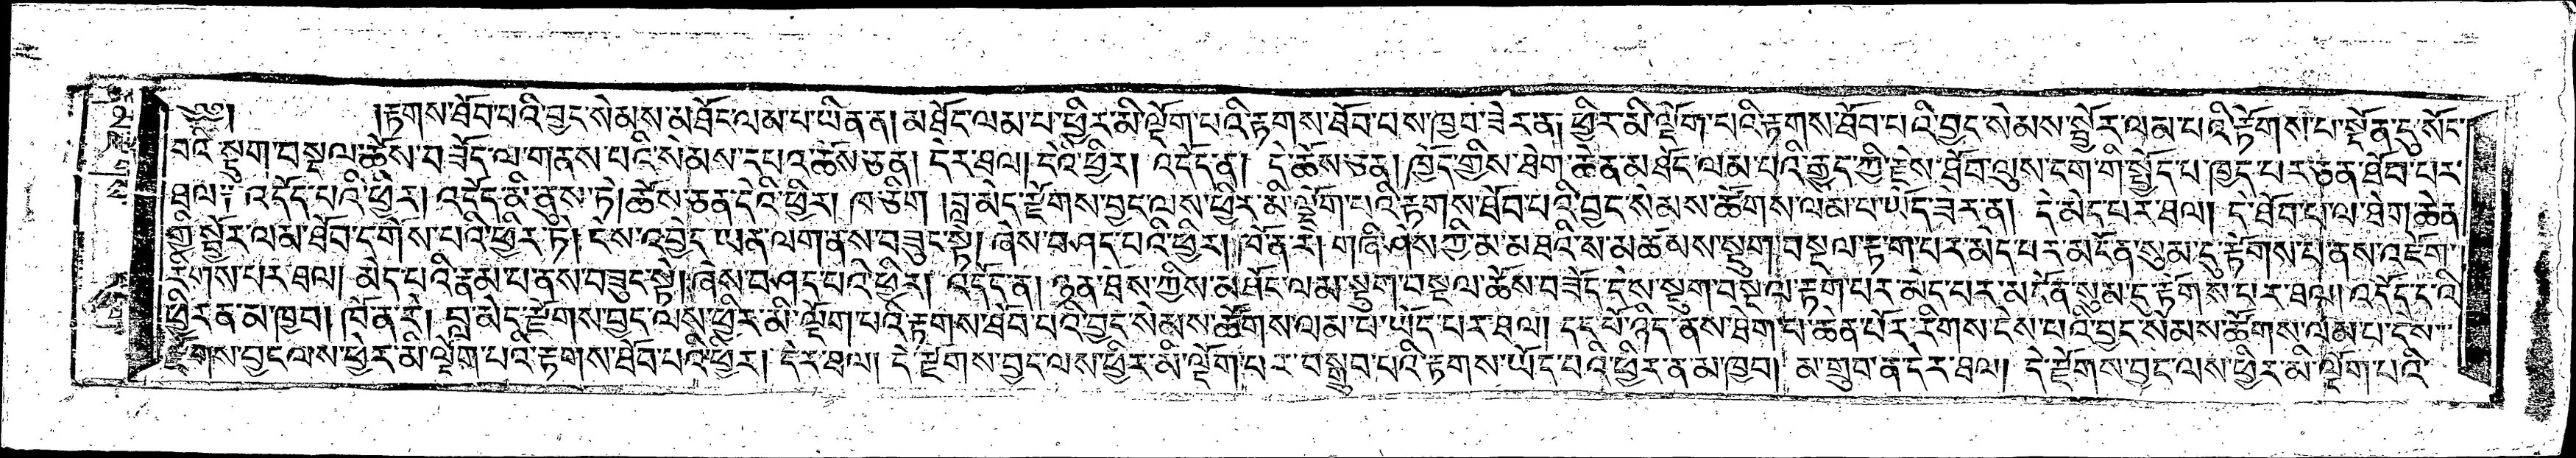༄༅། །མཐོང་ལམ་པ་ཕྱིར་མི་ལྡོག་པའི་རྟགས་ཐོབ་པས་ཁྱབ་ཟེར་ན། ཕྱིར་མི་ལྡོག་པའི་རྟགས་ཐོབ་པའི་བྱང་སེམས་སྦྱོར་ལམ་པའི་རྟོགས་པ་སྔོན་དུ་སོང་
བའི་སྡུག་བསྔལ་ཆོས་བཟོད་ལ་གནས་པའི་སེམས་དཔའ་ཆོས་ཅན། དེར་ཐལ། དེའི་ཕྱིར། འདོད་ན། དེ་ཆོས་ཅན། ཁྱོད་གྱིས་ཐེག་ཆེན་མཐོང་ལམ་པའི་རྒྱུད་ཀྱི་རྗེས་ཐོབ་ལུས་ངག་གི་སྤྱོད་པ་ཁྱད་པར་ཅན་ཐོབ་པར་
ཐལ༑ འདོད་པའི་ཕྱིར། འདོད་མི་ནུས་ཏེ། ཆོས་ཅན་དེའི་ཕྱིར། ཁ་ཅིག། བླ་མེད་རྫོགས་བྱང་ལས་ཕྱིར་མི་ལྡོག་པའི་རྟགས་ཐོབ་པའི་བྱང་སེམས་ཚོགས་ལམ་པ་ཡོད་ཟེར་ན། དེ་མེད་པར་ཐལ། དེ་ཐོབ་པ་ལ་ཐེག་ཆེན་
གྱི་སྦྱོར་ལམ་ཐོབ་དགོས་པའི་ཕྱིར་ཏེ། ངེས་འབྱེད་ཡན་ལག་ནས་བཟུང་སྟེ། ཞེས་བཤད་པའི་ཕྱིར། ཁོ་ན་རེ། གཞི་ཤེས་ཀྱི་མ་མཐའི་ས་མཚམས་སྡུག་བསྔལ་རྟག་པར་མེད་པར་མངོན་སུམ་དུ་རྟོགས་པ་ནས་འཇོག་
རིགས་པར་ཐལ། མེད་པའི་རྣམ་པ་ནས་བཟུང་སྟེ། ཞེས་བཤད་པའི་ཕྱིར། འདོད་ན། ཉན་ཐོས་ཀྱིས་མཐོང་ལམ་སྡུག་བསྔལ་ཆོས་བཟོད་དེས་སྡུག་བསྔལ་རྟག་པར་མེད་པར་མངོན་སུམ་དུ་རྟོགས་པར་ཐལ། འདོད་པའི་
ཕྱིར་ན་མ་ཁྱབ། ཁོ་ན་རེ། བླ་མེད་རྫོགས་བྱང་ལས་ཕྱིར་མི་ལྡོག་པའི་རྟགས་ཐོབ་པའི་བྱང་སེམས་ཚོགས་ལམ་པ་ཡོད་པར་ཐལ། དང་པོ་ཉིད་ནས་ཐེག་པ་ཆེན་པོར་རིགས་ངེས་པའི་བྱང་སེམས་ཚོགས་ལམ་པ་དེས་
རྫོགས་བྱང་ལས་ཕྱིར་མི་ལྡོག་པའི་རྟགས་ཐོབ་པའི་ཕྱིར། དེར་ཐལ། དེ་རྫོགས་བྱང་ལས་ཕྱིར་མི་ལྡོག་པར་སྒྲུབ་པའི་རྟགས་ཡོད་པའི་ཕྱིར་ན་མ་ཁྱབ། མ་གྲུབ་ན་དེར་ཐལ། དེ་རྫོགས་བྱང་ལས་ཕྱིར་མི་ལྡོག་པའི་